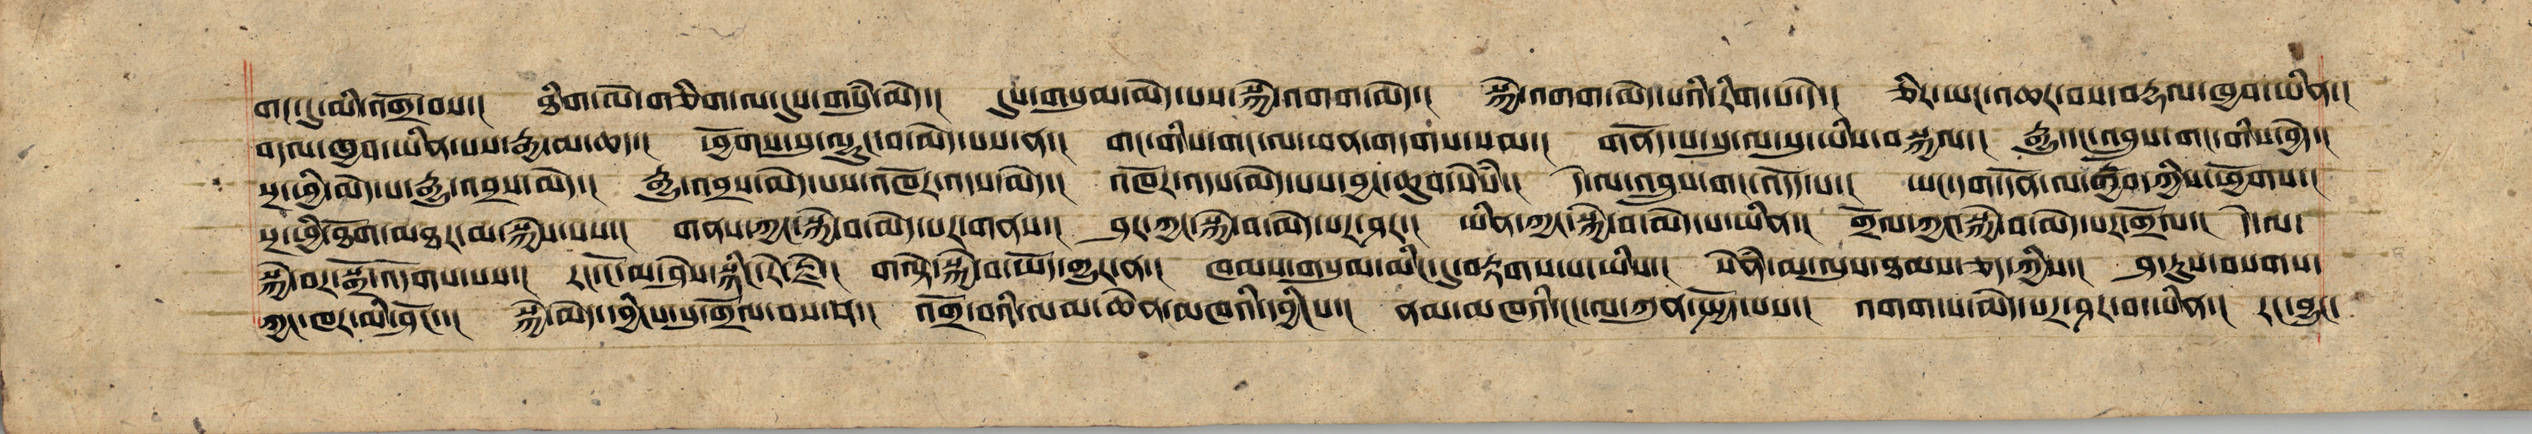གང་དུ་མི་འགྲོ་བས་། ཐིག་ལེ་གཅིག་ལ་དུས་གསུཾ་མེད་། དུས་གསུམ་མེད་པས་སྐྱེ་འགག་མེད་། སྐྱེ་འགག་མེད་པའི་རིག་པ་དེ་། ཅིར་ཡང་འཆར་བས་བརྡལ་ཁྱབ་ཡིན་།
བདལ་ཁྱབ་ཡིན་པས་རྒྱ་མ་ཆད་། ཕྱོགས་སུ་ལྷུང་བ་མེད་པས་ན་། གང་གིས་གང་ལ་ཕན་གདགས་སམ་། གནོད་པ་སུ་ལ་སུ་ཡིས་བསྐྱལ་། རྒྱུ་དང་འབྲུས་གང་གིས་བྱེད་།
སྔ་ཕྱི་མེད་པ་རྒྱུ་འབྲས་མེད་། རྒྱུ་འབྲས་མེད་པས་འཁོར་འདས་མེད་། འཁོར་འདས་མེད་པས་བྱང་ཆུབ་སེསཾ་། དེ་ལ་འབྲུས་གང་འདོད་པ་། ཡང་དག་དོན་ལ་རྒྱབ་ཀྱིས་ཕྱོགས་།
སྔ་ཕྱི་ཐོག་མཐར་མ་སྐྱེས་པས་། གནས་ཀྱང་སྐྱེ་བ་མེད་པར་གནས་། ཤར་ཀྱང་སྐྱེ་བ་མེད་པར་ཤར་། ཡིན་ཀྱང་སྐྱེ་བ་མེད་པ་ཡིན་། གྲོལ་ཀྱང་སྐྱེ་བ་མེད་པར་གྲོལ་། དེ་ལ་
སྐྱེ་བར་སྒྲོ་འདོགས་པས་། རང་ངོ་མ་ཤེས་སྙིང་རེ་རྗེ་། གལྟེ་སྐྱེ་བ་ཡོད་གྱུར་ན་། ཁམས་གསུམ་མིང་དུ་བརྟགས་པ་ཡིས་། སེནཾ་མ་ལུས་ཐམས་ཅད་ཀྱིས་། ཤ་རུས་བསགས་
ཀྱང་ཁར་མི་ཤོང་་། སྐྱེ་མེད་དབྱིངས་སུ་གྲོལ་བས་ན་། འགྲོ་བའི་ལམ་ཆེན་མཁའི་དབྱིངས་། ནམ་མཁའི་ངང་ལ་ཀུན་སྤྱོད་པས་། འགག་པ་མེད་པར་ཤར་བ་ཡིན་། རང་བྱུང་